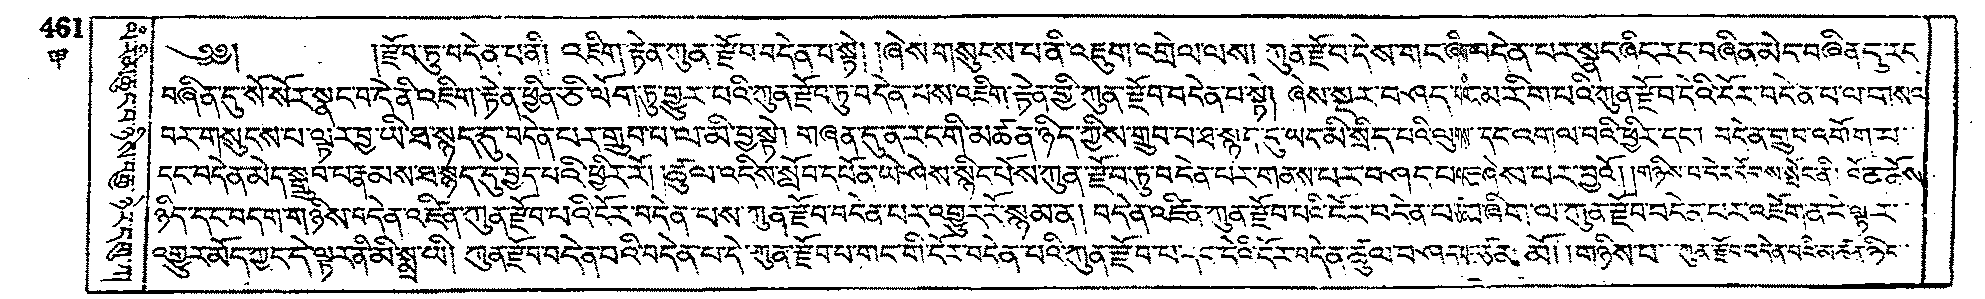༄༅། །རྫོབ་ཏུ་བདེན་པ་ནི། འཇིག་རྟེན་ཀུན་རྫོབ་བདེན་པ་སྟེ། །ཞེས་གསུངས་པ་ནི་འཇུག་འགྲེལ་ལས། ཀུན་རྫོབ་དེས་གང་ཞིག་བདེན་པར་སྣང་ཞིང་རང་བཞིན་མེད་བཞིན་དུ་རང་
བཞིན་དུ་སོ་སོར་སྣང་བ་དེ་ནི་འཇིག་རྟེན་ཕྱིན་ཅི་ལོག་ཏུ་གྱུར་པའི་ཀུན་རྫོབ་ཏུ་བདེན་པས་འཇིག་རྟེན་གྱི་ཀུན་རྫོབ་བདེན་པ་སྟེ། ཞེས་སྔར་བཤད་པའི་མ་རིག་པའི་ཀུན་རྫོབ་དེའི་ངོར་བདེན་པ་ལ་གསལ་
བར་གསུངས་པ་ལྟར་བྱ་ཡི་ཐ་སྙད་དུ་བདེན་པར་གྲུབ་པ་ལ་མི་བྱ་སྟེ། གཞན་དུ་ན་རང་གི་མཚན་ཉིད་ཀྱིས་གྲུབ་པ་ཐ་སྙད་དུ་ཡང་མི་སྲིད་པའི་ལུགས་དང་འགལ་བའི་ཕྱིར་དང་། བདེན་གྲུབ་འགོག་པ་
དང་བདེན་མེད་སྒྲུབ་པ་རྣམས་ཐ་སྙད་དུ་བྱེད་པའི་ཕྱིར་རོ། །ཚུལ་འདིས་སློབ་དཔོན་ཡེ་ཤེས་སྙིང་པོས་ཀུན་རྫོབ་ཏུ་བདེན་པར་གནས་པར་བཤད་པའང་ཤེས་པར་བྱའོ། །གཉིས་པ་དེར་དོགས་སྤོང་ནི།  འོ་ན་ཆོས་
ཉིད་དང་བདག་གཉིས་བདེན་འཛིན་ཀུན་རྫོབ་པའི་དོར་བདེན་པས་ཀུན་རྫོབ་བདེན་པར་འགྱུར་རོ་སྙམ་ན། བདེན་འཛིན་ཀུན་རྫོབ་པའི་ངོར་བདེན་པ་ཙམ་ཞིག་ལ་ཀུན་རྫོབ་བདེན་པར་འཇོག་ན་དེ་ལྟར་
འགྱུར་མོད་ཀྱང་དེ་ལྟར་ནི་མི་སྨྲ་ཡི། ཀུན་རྫོབ་བདེན་པའི་དེ་ཀུན་རྫོབ་པ་གང་གི་ངོར་བདེན་པའི་ཀུན་རྫོབ་པ་དང་དེའི་ངོར་བདེན་ཚུལ་བཤད་པ་ཙམ་མོ། གཉིས་པཀུན་རྫོབ་བདེན་པའི་མཚན་ཉིད་